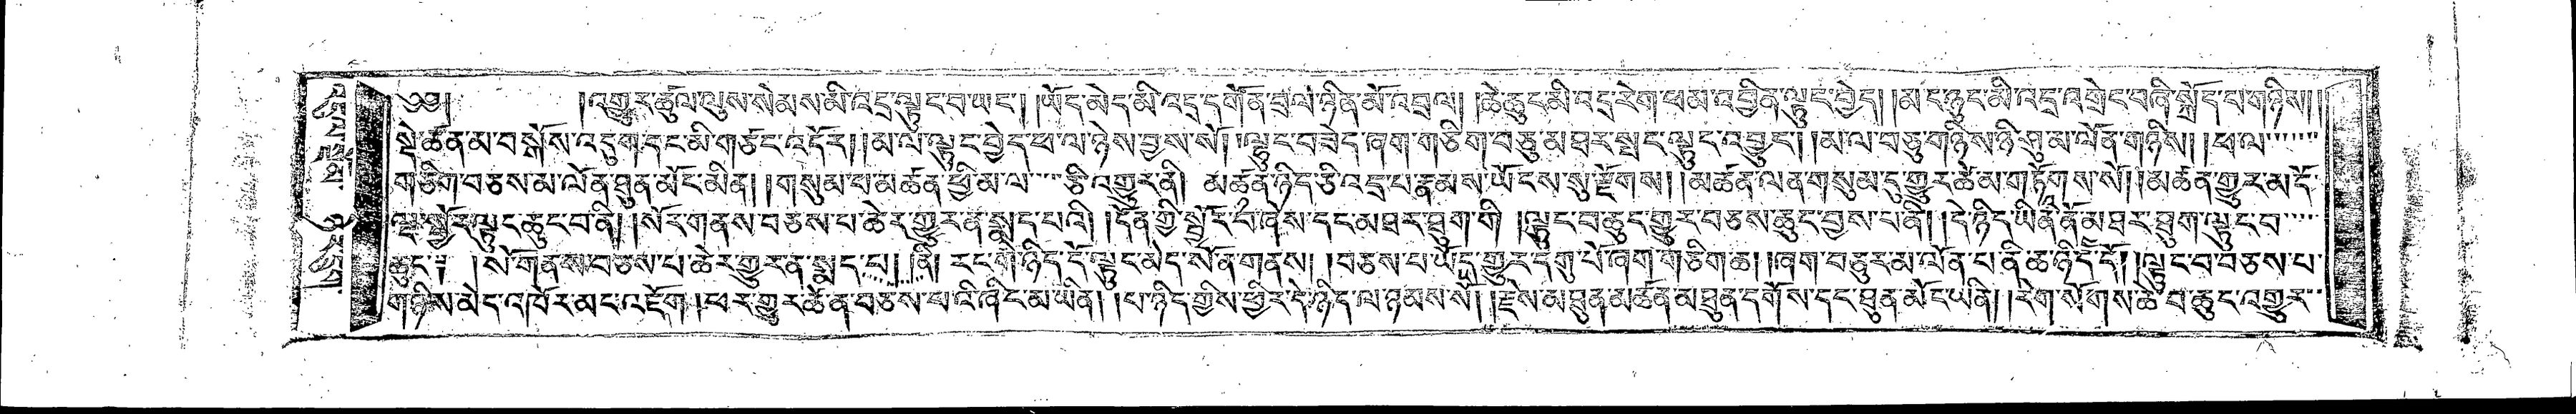༄༅། །འགྱུར་ཚུལ་ལུས་སེམས་མི་འདྲ་ལྟུང་བ་ཡང་། །ཡོད་མེད་མི་འདྲ་དགོན་བྲལ་ཉིན་མོ་འབྲལ། །ཆེ་ཆུང་མི་འདྲ་རེག་ཕམ་འབྱིན་ལྟུང་བྱེད། །མང་ཉུང་མི་འདྲ་འགྲེང་བཞི་སྐྲོད་པ་གཉིས། །
སྡེ་ཚན་མ་བསྒོས་འདུག་དང་མི་གཙང་འདོར། །མ་ལ་ལྟུང་བྱེད་ཕ་ལ་ཉེས་བྱས་སོ། །ལྷུང་བཟེད་ཞག་གཅིག་བཅུ་མཐར་སྤང་ལྟུང་འབྱུང་། །མ་ལ་བཅུ་གཉིས་ཉི་ཤུ་མ་ལོན་གཉིས། །ཕ་ལ་
གཅིག་བཅས་མ་ལོན་ཐུན་མོང་མིན། །གསུམ་པ་མཚན་ཕྱི་མ་ལ་ཅི་འགྱུར་ནི། མཚན་ཉིད་ཅི་འདྲ་པ་རྣམས་ཡོངས་སུ་རྫོགས། །མཚན་ལན་གསུམ་དུ་གྱུར་ཚེ་མ་གཏོགས་སོ། །མཚན་གྱུར་མདོ་
ལྔ་སྦྱོར་ལྟུང་ཆུང་བ་ནི། །སོར་གནས་བཅས་པ་ཆེར་གྱུར་ན་སྨད་པའི། །དོན་གྱི་སྦྱོར་བ་ཞེས་དང་མཐར་ཐུག་གི །ལྟུང་བ་ཆུང་གྱུར་བཅས་ཆུང་བྱས་པ་ནི། །དེ་ཉིད་ཡིན་ནོ་མཐར་ཐུག་ལྟུང་བ་
ཆུང༑ །སོ་གནས་བཅས་པ་ཆེར་གྱུར་ན་སྨད་པ། །ནི། རང་གི་ཉིད་དོ་ལྟུང་མེད་སོ་ན་གནས། །བཅས་པ་ཡོད་གྱུར་དགུ་པོ་ཞག་གཅིག་ཆ། །ཞག་བཅུར་མ་ལོན་པ་ནི་ཆ་ཉིད་དོ། །ལྟུང་བ་བཅས་པ་
གཉིས་མེད་འཁོར་མང་འཇོག །ཕར་གྱུར་ཚེ་ན་བཅས་པའི་ཞིང་མ་ཡིན། །པ་ཉིད་གྱིས་ཕྱིར་དེ་ཉིད་ལ་ཉམས་སོ། །རྗེས་མཐུན་མཚན་མཐུན་དགོས་དང་ཐུན་མོང་ཡིན། །རིག་སོགས་ཆེ་བ་ཆུང་འགྱུར་